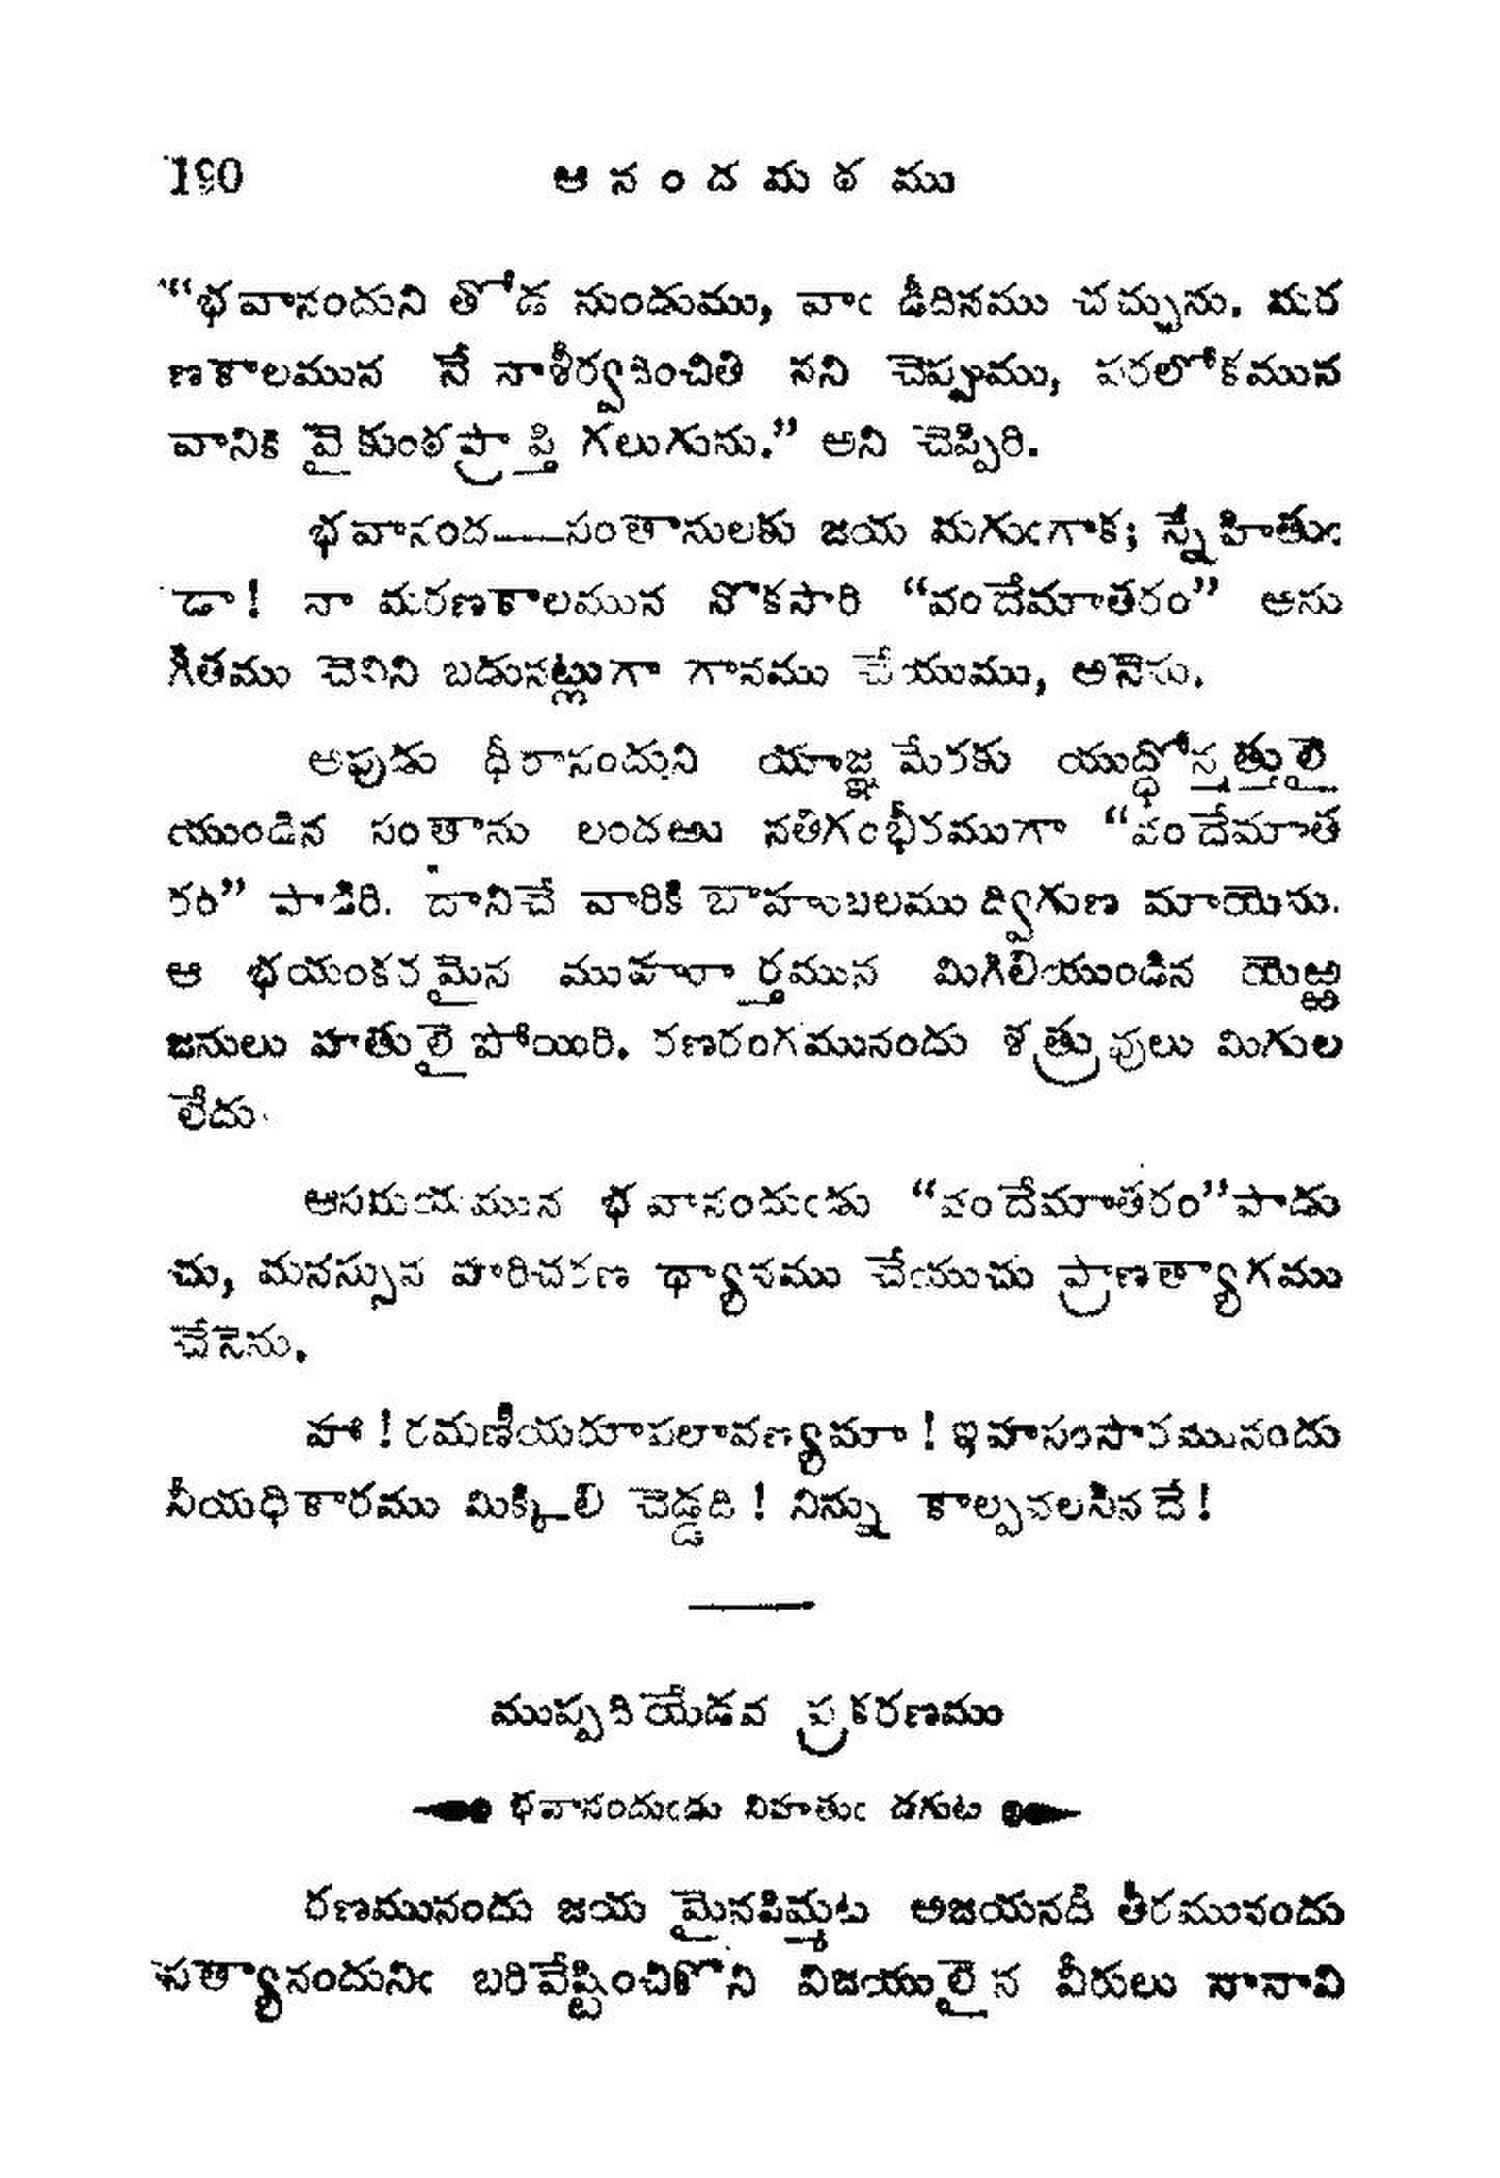"భవానందుని తోడ నుండుము, వాఁ డీదినము చచ్చును. మరణకాలమున నే నాశీర్వదించితి నని చెప్పుము, పరలోకమున వానికి 'వైకుంఠ ప్రాప్తి గలుగును.” అని చెప్పిరి.

భవానంద——సంతానులకు జయ మగుఁగాక; స్నేహితుఁడా! నా మరణకాలమున కొకసారి “వందేమాతరం” అను గీతము చెవిని బడునట్లుగా గానము చేయుము, అనెను.

అపుడు ధీరానందుని యాజ్ఞ మేరకు యుద్దోన్మత్తులై యుండిన సంతాను లందఱు నతిగంభీరముగా "వందేమాతరం" పాడిరి. దానిచే వారికి బాహుబలము ద్విగుణ మాయెను. ఆ భయంకరమైన ముహూర్తమున మిగిలియుండిన యెఱ్ఱజనులు హతులై పోయిరి. రణరంగమునందు శత్రువులు మిగుల లేదు.

ఆసమయమున భవానందుఁడు "వందేమాతరం "పాడుచు, మనస్సున హరిచరణ ధ్యానము చేయుచు ప్రాణ త్యాగము
చేసెను.

హా ! రమణీయరూపలావణ్యమా ! ఇహసంసారమునందు నీయధి కారము మిక్కిలి చెడ్డది ! నిన్ను కాల్పవలసినదే !

ముప్పది యేడవ ప్రకరణము

భవానందుఁడు నిహతుఁ డగుట

రణమునందు జయ మైన పిమ్మట అజయనదీ తీరమునందు సత్యానందునిఁ బరివేష్టించికొని విజయులైన వీరులు నానావి